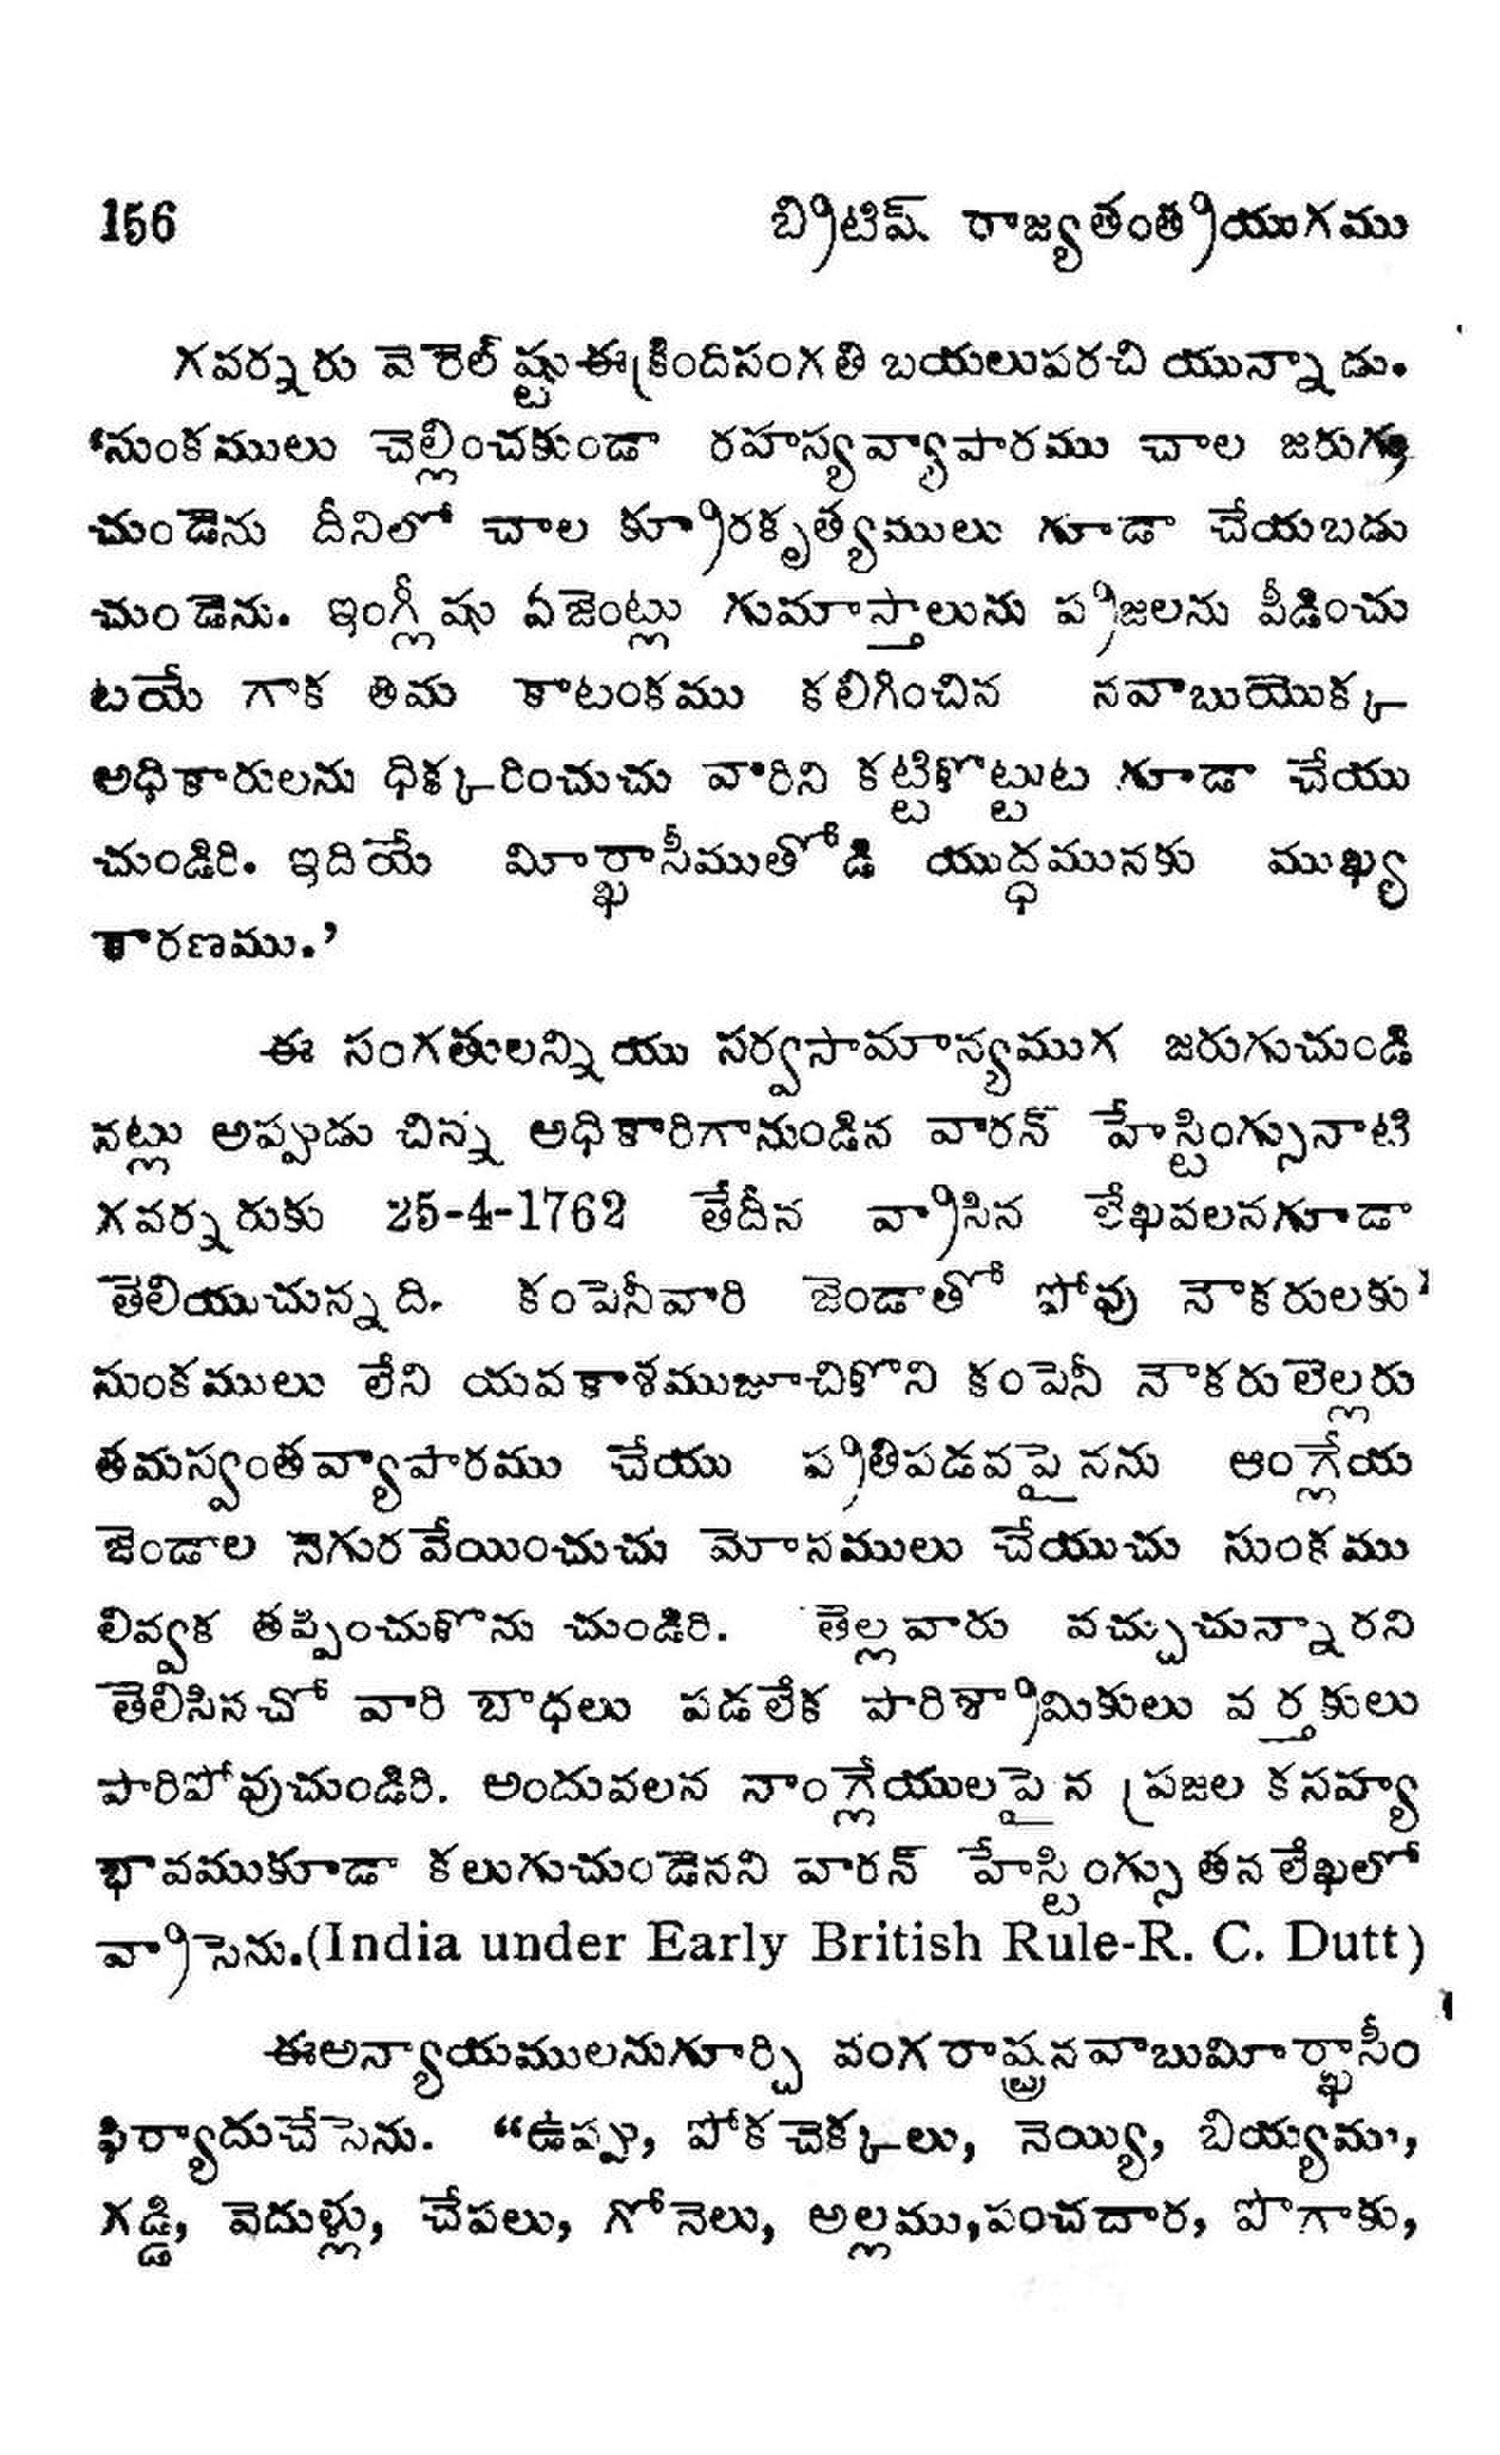గవర్నరు వెరెల్‌ష్టు ఈక్రిందిసంగతి బయలుపరచి యున్నాడు. 'సుంకములు చెల్లించకుండా రహస్యవ్యాపారము చాల జరుగుచుండెను దీనిలో చాల క్రూరకృత్యములు గూడా చేయబడుచుండెను. ఇంగ్లీషు ఏజెంట్లు గుమాస్తాలును ప్రజలను పీడించుటయే గాక తమ కాటంకము కలిగించిన నవాబుయొక్క అధికారులను ధిక్కరించుచు వారిని కట్టికొట్టుట గూడా చేయుచుండిరి. ఇదియే మీర్ఖాసీముతోడి యుద్ధమునకు ముఖ్య కారణము.'

ఈ సంగతులన్నియు సర్వసామాన్యముగ జరుగుచుండినట్లు అప్పుడు చిన్న అధికారిగానుండిన వారన్ హేస్టింగ్సునాటి గవర్నరుకు 25-4-1762 తేదీన వ్రాసిన లేఖవలనగూడా తెలియుచున్నది. కంపెనీవారి జెండాతో పోవు నౌకరులకు సుంకములు లేని యవకాశముజూచికొని కంపెనీ నౌకరులెల్లరు తమస్వంతవ్యాపారము చేయు ప్రతిపడవపైనను ఆంగ్లేయ జెండాల నెగురవేయించుచు మోసములు చేయుచు సుంకము లివ్వక తప్పించుకొను చుండిరి. తెల్లవారు వచ్చుచున్నారని తెలిసినచో వారి బాధలు పడలేక పారిశ్రామికులు వర్తకులు పారిపోవుచుండిరి. అందువలన నాంగ్లేయులపైన ప్రజల కసహ్య భావముకూడా కలుగుచుండెనని వారన్ హేస్టింగ్సు తన లేఖలో వ్రాసెను.(India under Early British Rule-R. C. Dutt)

ఈ అన్యాయములనుగూర్చి వంగరాష్ట్రనవాబుమిర్ఖాసీం ఫిర్యాదుచేసెను. “ఉప్పు, పోకచెక్కలు, నెయ్యి, బియ్యము, గడ్డి, వెదుళ్లు, చేపలు, గోనెలు, అల్లము, పంచదార, పొగాకు,